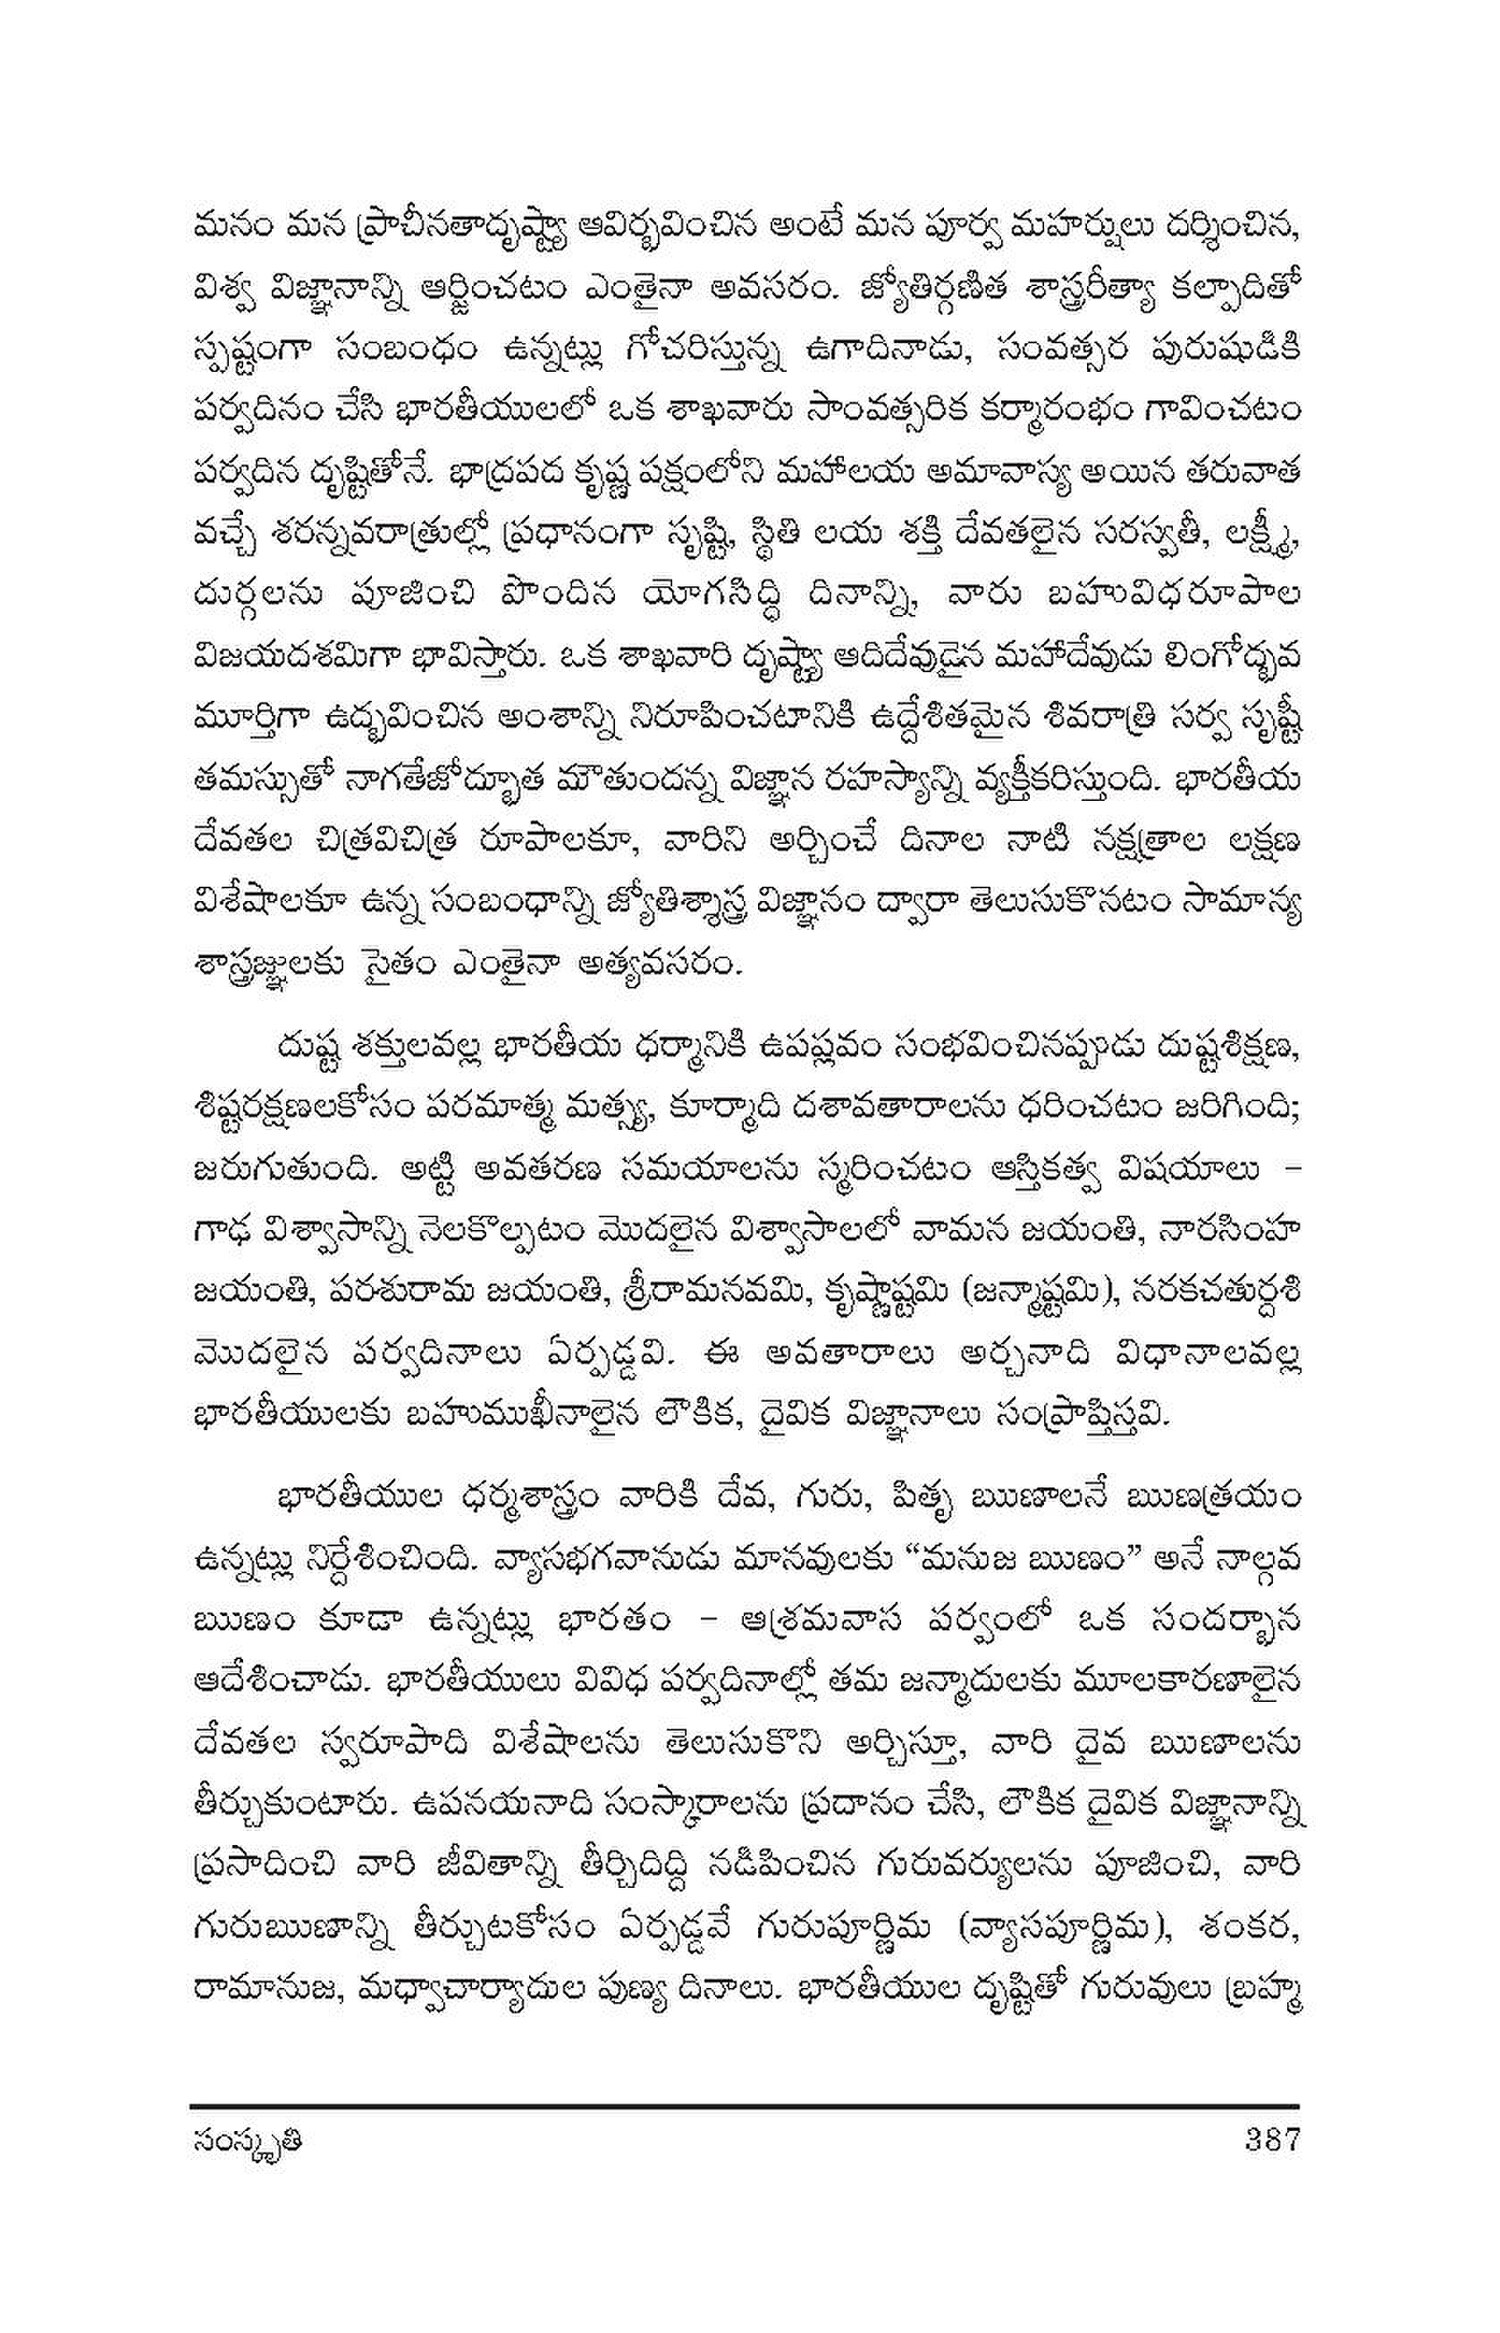మనం మన ప్రాచీనతాదృష్ట్యా ఆవిర్భవించిన అంటే మన పూర్వ మహర్షులు దర్శించిన,
విశ్వ విజ్ఞానాన్ని ఆర్జించటం ఎంతైనా అవసరం. జ్యోతిర్గణిత శాస్త్రరీత్యా కల్పాదితో
స్పష్టంగా సంబంధం ఉన్నట్లు గోచరిస్తున్న ఉగాదినాడు, సంవత్సర పురుషుడికి
పర్వదినం చేసి భారతీయులలో ఒక శాఖవారు సాంవత్సరిక కర్మారంభం గావించటం
పర్వదిన దృష్టితోనే. భాద్రపద కృష్ణ పక్షంలోని మహాలయ అమావాస్య అయిన తరువాత
వచ్చే శరన్నవరాత్రుల్లో ప్రధానంగా సృష్టి, స్థితి లయ శక్తి దేవతలైన సరస్వతీ, లక్ష్మీ,
దుర్గలను పూజించి పొందిన యోగసిద్ధి దినాన్ని, వారు బహువిధరూపాల
విజయదశమిగా భావిస్తారు. ఒక శాఖవారి దృష్ట్యా ఆదిదేవుడైన మహాదేవుడు లింగోద్భవ
మూర్తిగా ఉద్భవించిన అంశాన్ని నిరూపించటానికి ఉద్దేశితమైన శివరాత్రి సర్వ సృష్టీ
తమస్సుతో నాగతేజోద్భూత మౌతుందన్న విజ్ఞాన రహస్యాన్ని వ్యక్తీకరిస్తుంది. భారతీయ
దేవతల చిత్రవిచిత్ర రూపాలకూ, వారిని అర్చించే దినాల నాటి నక్షత్రాల లక్షణ
విశేషాలకూ ఉన్న సంబంధాన్ని జ్యోతిశ్శాస్త్ర విజ్ఞానం ద్వారా తెలుసుకొనటం సామాన్య
శాస్త్రజ్ఞులకు సైతం ఎంతైనా అత్యవసరం.

దుష్ట శక్తులవల్ల భారతీయ ధర్మానికి ఉపప్లవం సంభవించినప్పుడు దుష్టశిక్షణ,
శిష్టరక్షణలకోసం పరమాత్మ మత్స్య, కూర్మాది దశావతారాలను ధరించటం జరిగింది;
జరుగుతుంది. అట్టి అవతరణ సమయాలను స్మరించటం ఆస్తికత్వ విషయాలు
గాఢ విశ్వాసాన్ని నెలకొల్పటం మొదలైన విశ్వాసాలలో వామన జయంతి, నారసింహ
జయంతి, పరశురామ జయంతి, శ్రీరామనవమి, కృష్ణాష్టమి (జన్మాష్టమి), నరకచతుర్దశి
మొదలైన పర్వదినాలు ఏర్పడ్డవి. ఈ అవతారాలు అర్చనాది విధానాలవల్ల
భారతీయులకు బహుముఖీనాలైన లౌకిక, దైవిక విజ్ఞానాలు సంప్రాప్తిస్తవి.

భారతీయుల ధర్మశాస్త్రం వారికి దేవ, గురు, పితృ ఋణాలనే ఋణత్రయం
ఉన్నట్లు నిర్దేశించింది. వ్యాసభగవానుడు మానవులకు “మనుజ ఋణం" అనే నాల్గవ
ఋణం కూడా ఉన్నట్లు భారతం ఆశ్రమవాస పర్వంలో ఒక సందర్భాన
ఆదేశించాడు. భారతీయులు వివిధ పర్వదినాల్లో తమ జన్మాదులకు మూలకారణాలైన
దేవతల స్వరూపాది విశేషాలను తెలుసుకొని అర్చిస్తూ, వారి దైవ ఋణాలను
తీర్చుకుంటారు. ఉపనయనాది సంస్కారాలను ప్రదానం చేసి, లౌకిక దైవిక విజ్ఞానాన్ని
ప్రసాదించి వారి జీవితాన్ని తీర్చిదిద్ది నడిపించిన గురువర్యులను పూజించి, వారి
గురుఋణాన్ని తీర్చుటకోసం ఏర్పడ్డవే గురుపూర్ణిమ (వ్యాసపూర్ణిమ), శంకర,
రామానుజ, మధ్వాచార్యాదుల పుణ్య దినాలు. భారతీయుల దృష్టితో గురువులు బ్రహ్మ